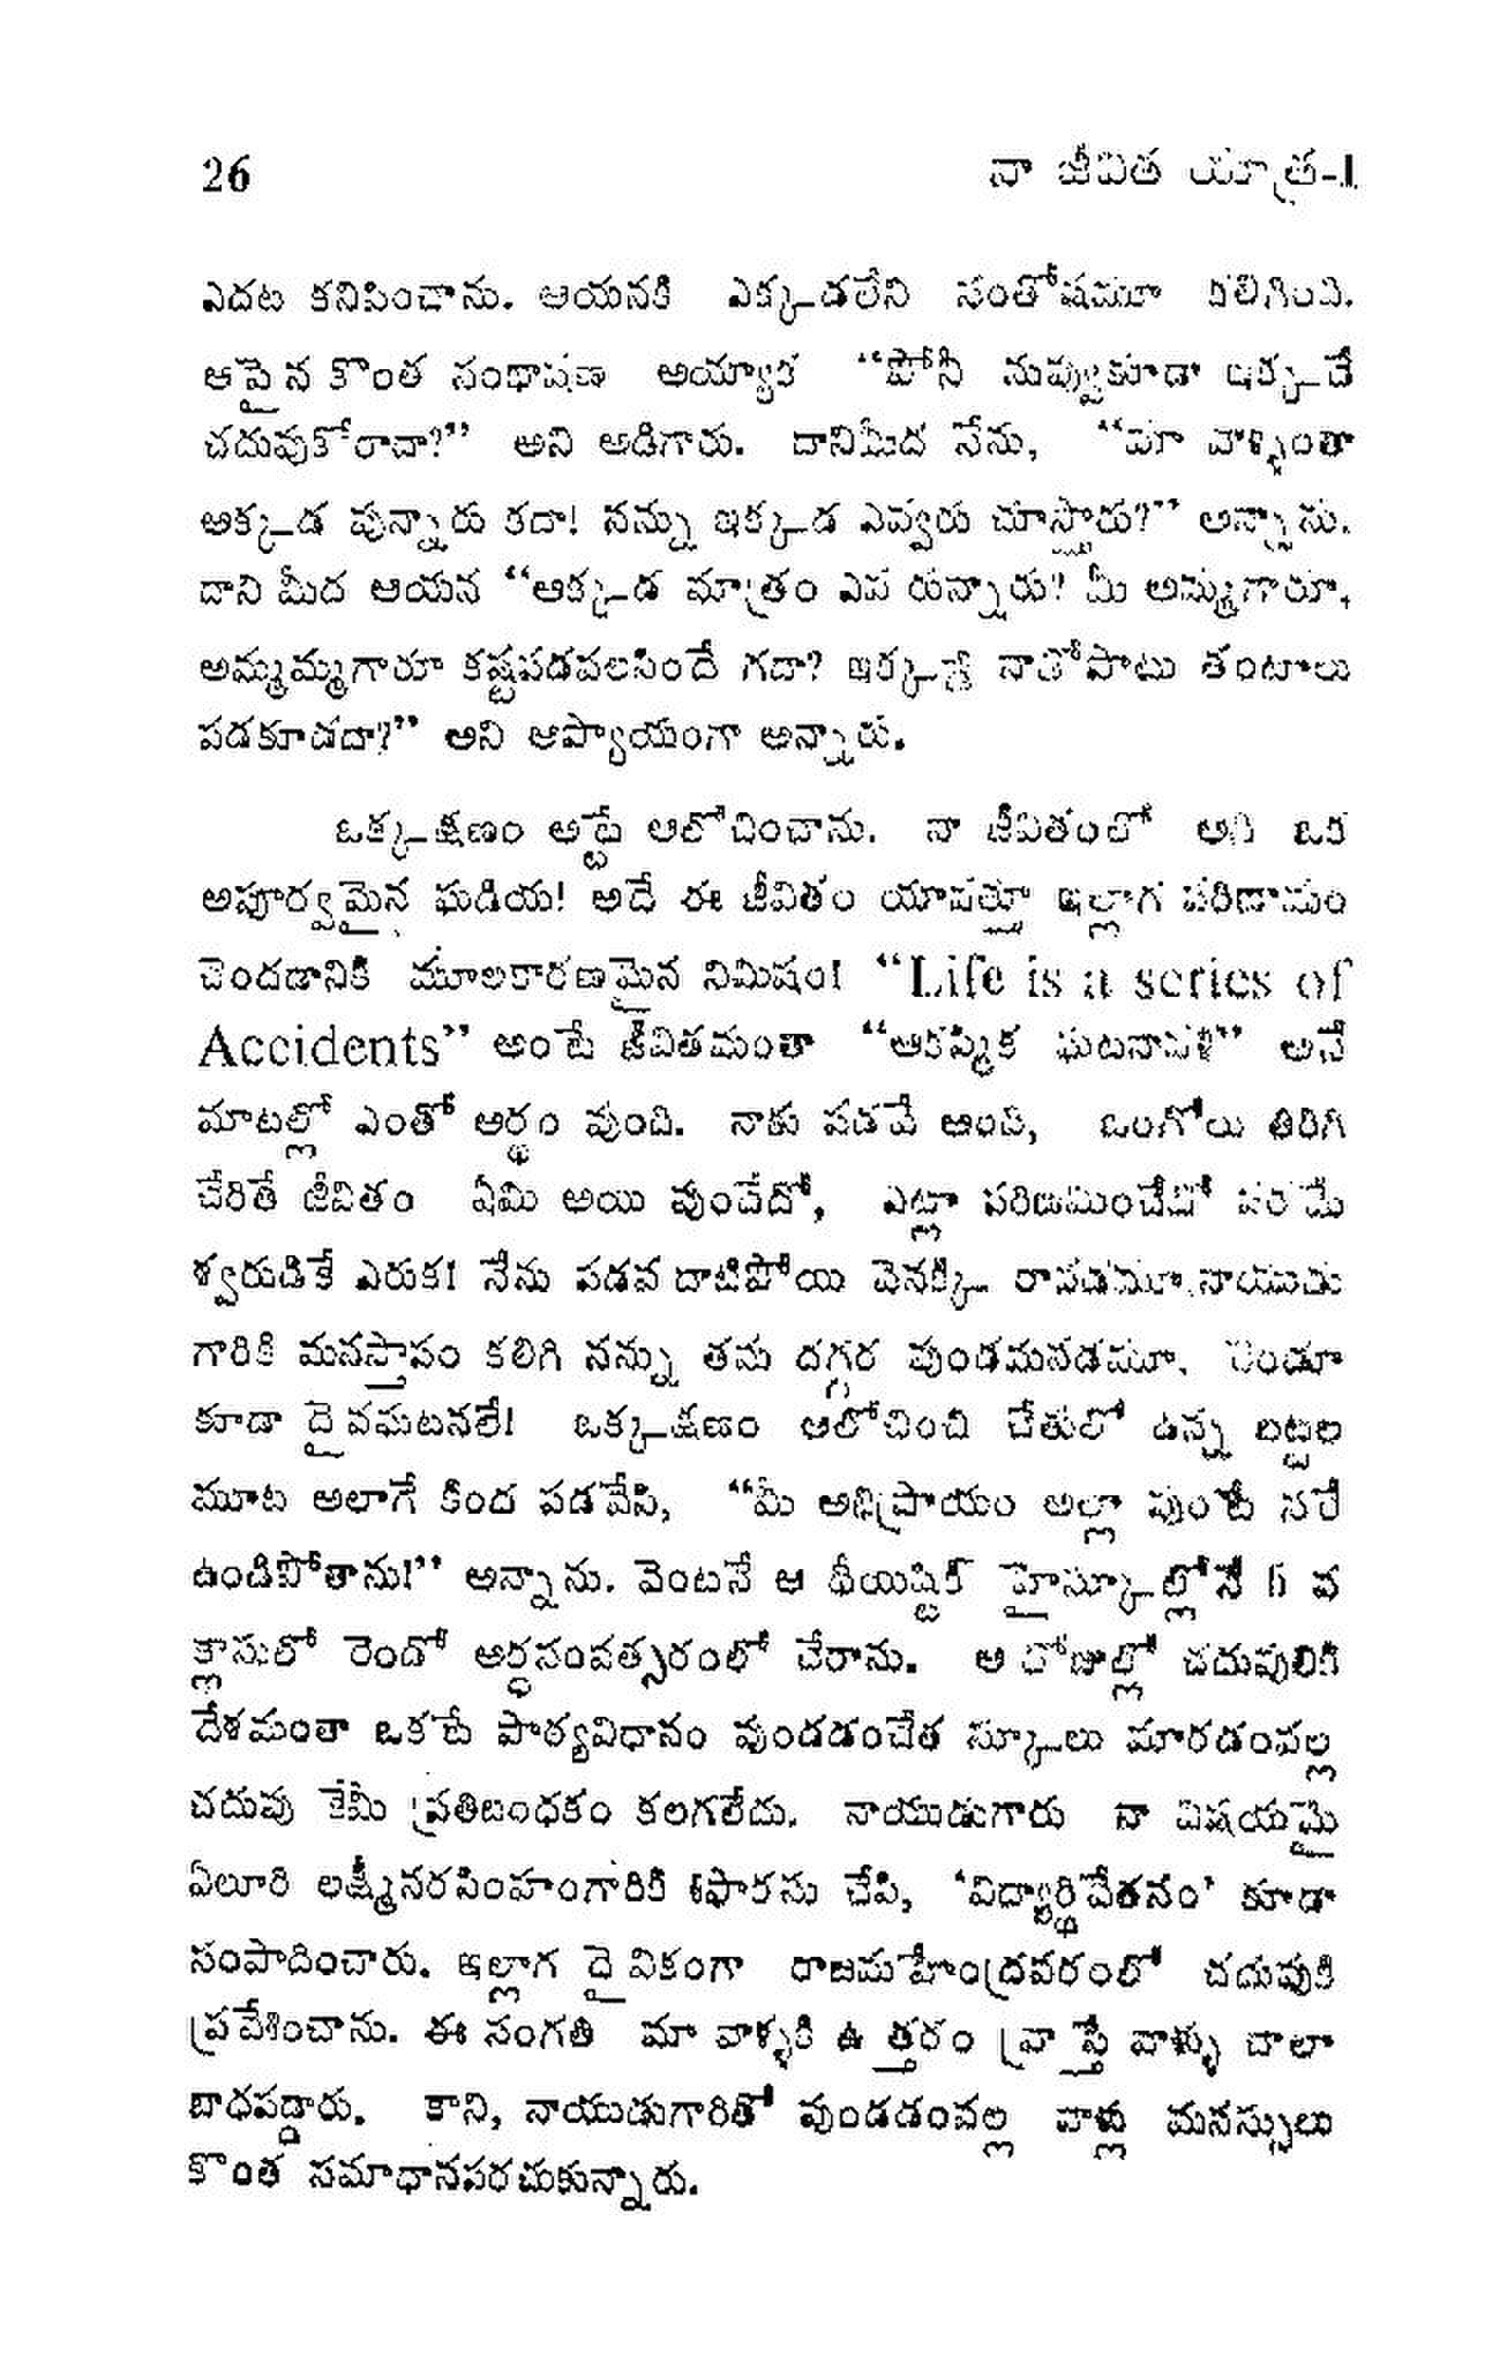ఎదట కనిపించాను. ఆయనకి ఎక్కడలేని సంతోషమూ కలిగింది. ఆపైన కొంత సంభాషణ అయ్యాక "పోనీ నువ్వుకూడా ఇక్కడే చదువుకోరాదా?" అని అడిగారు. దానిమీద నేను, "మా వాళ్ళంతా అక్కడ వున్నారు కదా! నన్ను ఇక్కడ ఎవ్వరు చూస్తారు?" అన్నాను. దాని మీద ఆయన "అక్కడ మాత్రం ఎవ రున్నారు? మీ అమ్మగారూ, అమ్మమ్మగారూ కష్టపడవలసిందే గదా? ఇక్కడే నాతోపాటు తంటాలు పడకూడదా?" అని ఆప్యాయంగా అన్నారు.

ఒక్కక్షణం అట్టే ఆలోచించాను. నా జీవితంలో అది ఒక అపూర్వమైన ఘడియ! అదే ఈ జీవితం యావత్తూ ఇల్లాగ పరిణామం చెందడానికి మూలకారణమైన నిమిషం! "Life is a series of Accidents" అంటే జీవితమంతా "ఆకస్మిక ఘటనావళి" అనే మాటల్లో ఎంతో అర్థం వుంది. నాకు పడవే అంది, ఒంగోలు తిరిగి చేరితే జీవితం ఏమి అయి వుండేదో, ఎట్లా పరిణమించేదో పరమేశ్వరుడికే ఎరుక! నేను పడవ దాటిపోయి వెనక్కి రావడమూ నాయుడుగారికి మనస్తాపం కలిగి నన్ను తమ దగ్గర వుండమనడమూ. రెండూ కూడా దైవఘటనలే! ఒక్కక్షణం ఆలోచించి చేతులో ఉన్న బట్టలమూట అలాగే కింద పడవేసి, "మీ అభిప్రాయం అల్లా వుంటే సరే ఉండిపోతాను!" అన్నాను. వెంటనే ఆ థీయిష్టిక్ హైస్కూల్లోనే 5 వ క్లాసులో రెండో అర్ధసంవత్సరంలో చేరాను. ఆ రోజుల్లో చదువులికి దేశమంతా ఒకటే పాఠ్యవిధానం వుండడంచేత స్కూలు మారడంవల్ల చదువు కేమి ప్రతిబంధకం కలగలేదు. నాయుడుగారు నా విషయమై ఏలూరి లక్ష్మీనరసింహంగారికి శిఫారసు చేసి, 'విద్యార్థివేతనం' కూడా సంపాదించారు. ఇల్లాగ దైవికంగా రాజమహేంద్రవరంలో చదువుకి ప్రవేశించాను. ఈ సంగతి మా వాళ్ళకి ఉత్తరం వ్రాస్తే వాళ్ళు చాలా బాధపడ్డారు. కాని, నాయుడుగారితో వుండడంవల్ల వాళ్లు మనస్సులు కొంత సమాధానపరచుకున్నారు.